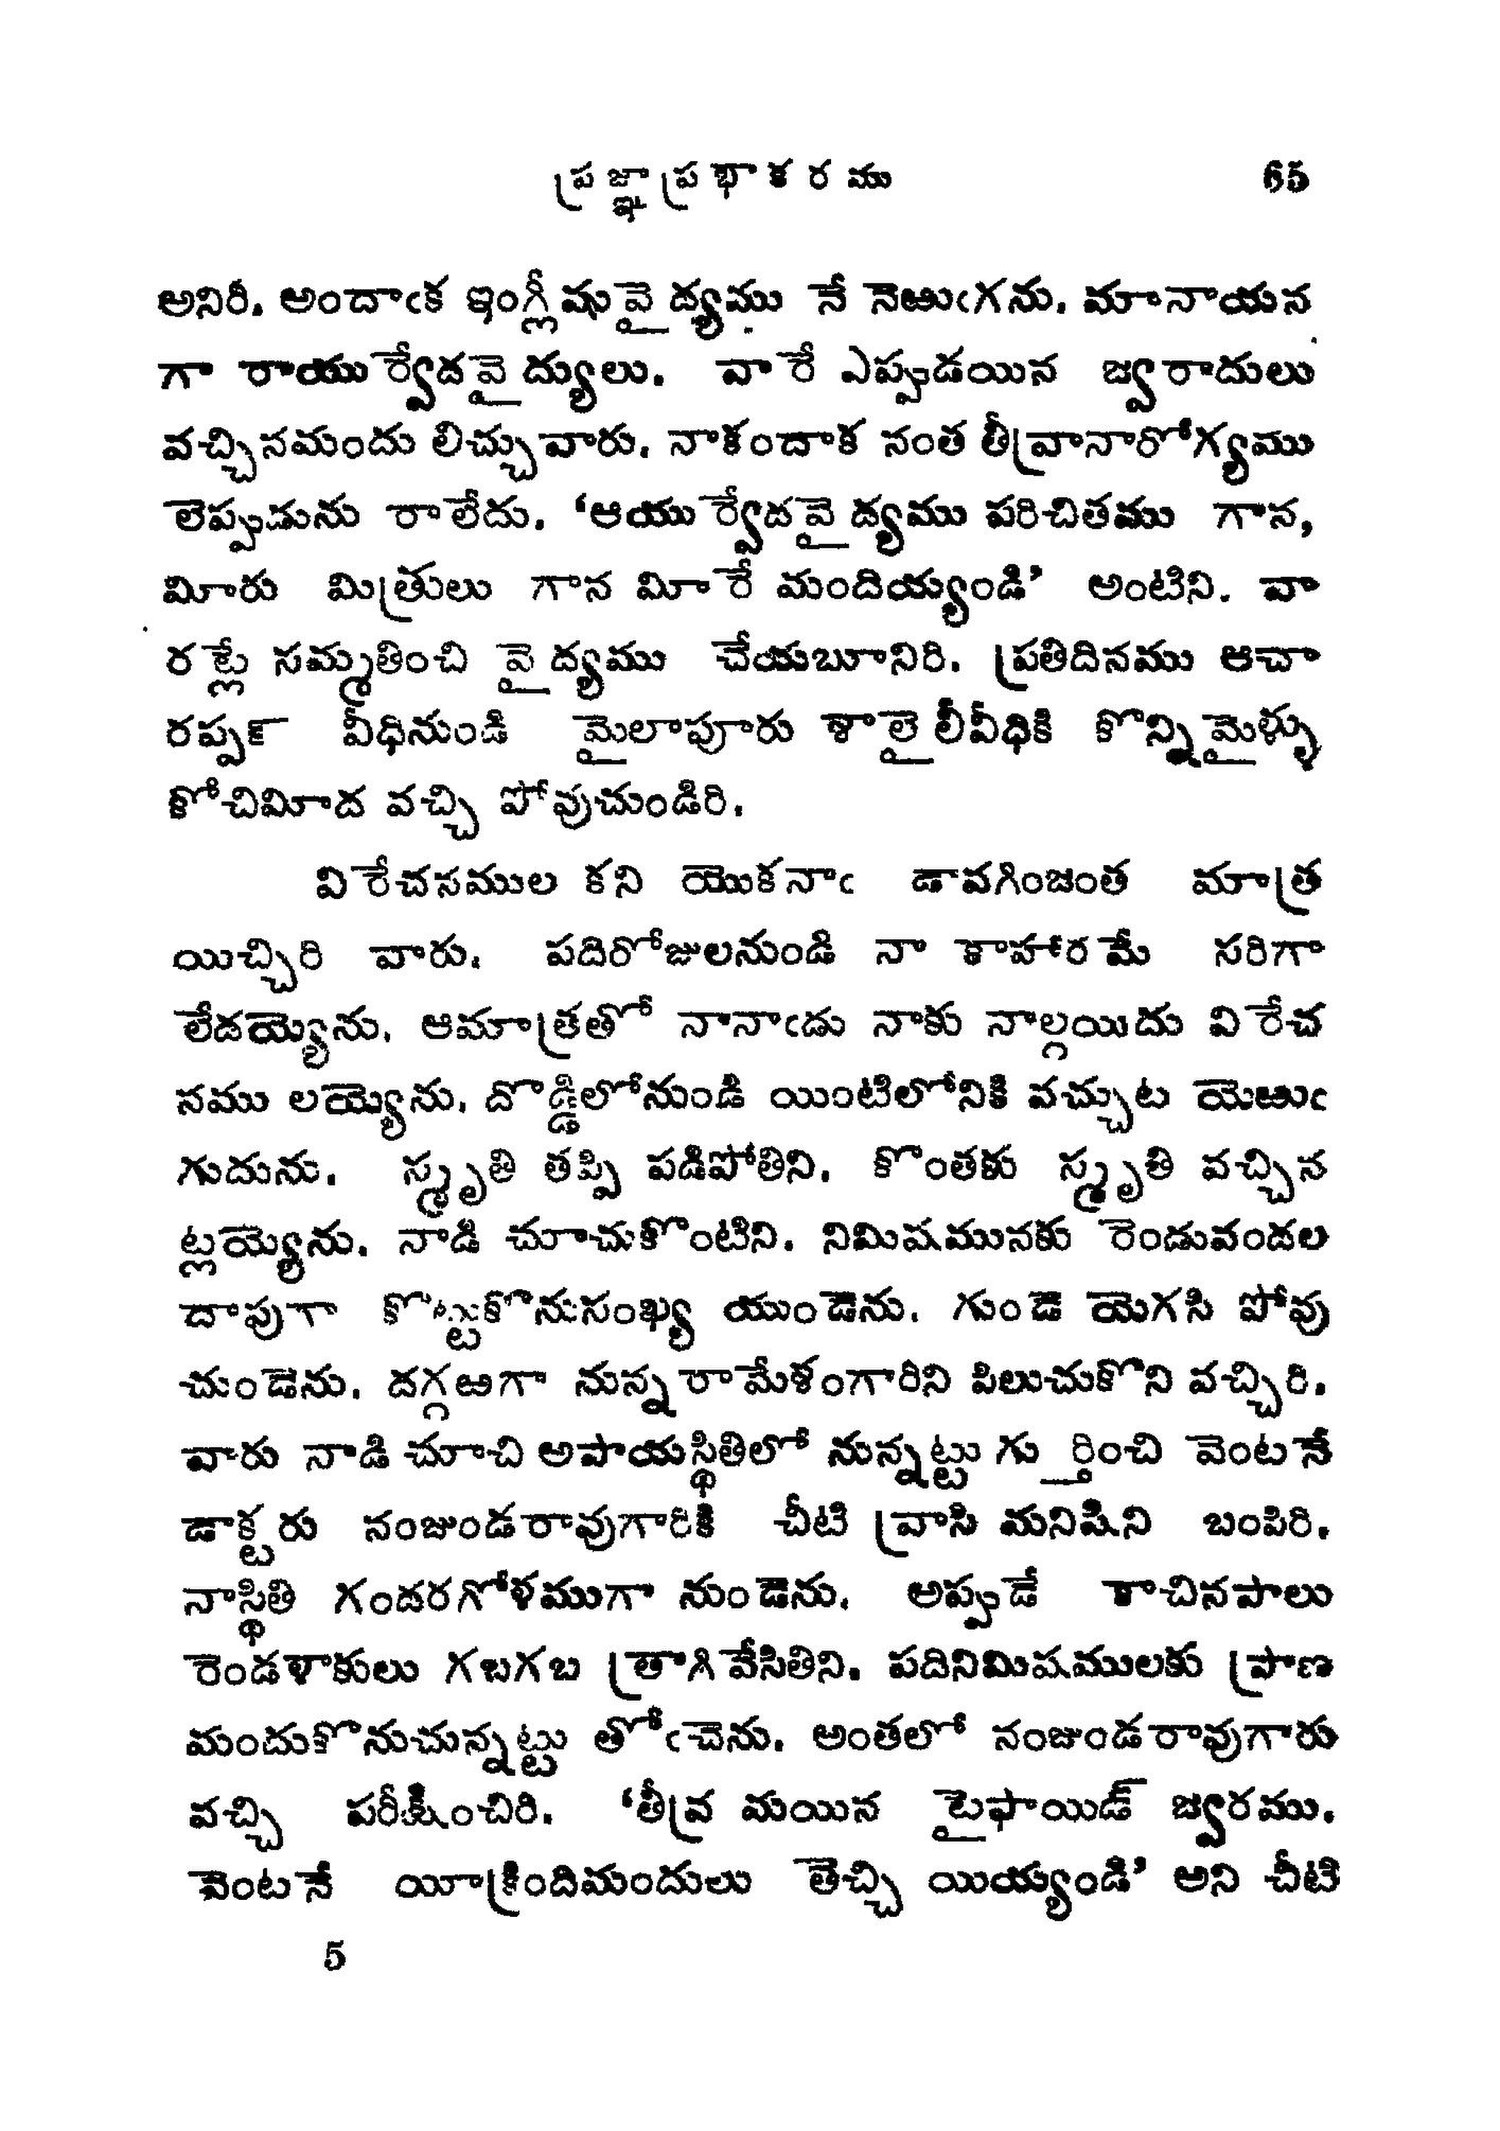అనిరి. అందాఁ క ఇంగ్లీషు వైద్యము నే నెఱుఁగను. మా నాయనగా వచ్చిన మందు లిచ్చువారు. నా కందాక నంత తీవ్రానారోగ్యము లెప్పుడును రాలేదు.' ఆయుర్వదవైద్యము పరిచితము గాన, మిరు మిత్రులు గాన మిరే మందియ్యండి' అంటిని. వాటట్లే సమ్మతించి వైద్యము చేయబూనిరి. ప్రతిదినము ఆచారప్పన్ వీధినుండి మైలాపూరు శాలైలీవీధికి కొన్ని మైళ్ళు కోచి మిద వచ్చి పోవుచుండిరి.

విరేచనముల కానీ యొకనాఁ డావగింజంత మాత్రయిచ్చిరి వారు. పది రోజులనుండి నా కాహరంమే సరిగా లేదయ్యేను. ఆ మాత్రతో నానాఁ డా నాకు నాల్గయిదు విరేచనము లయ్యెను. దొడ్డిలోనుండి యింటిలోనికి వచ్చుట యెఱుఁగుదును. స్మృతి తప్పి పడిపోతిని. కొంతకు స్మృతి వచ్చినట్లయ్యెను. నాడి చూచుకొంటిని. నిమిషమునకు రెండు వందల దాపుగా కొట్టుకొనుసమాఖ్య యుండెను . గుండె యెగసి పోవుచుండెను. దగ్గఱగా నున్న రామేశంగారిని పిలుచుకొని వచ్చిరి. వారు నాడి చూచి అపాయస్థితిలో నున్నట్లు గుర్తించి వెంకనే డాక్టరు నంజుండ రావుగారికి చీటీ వ్రాసి మనిషిని బంపిరి. నాస్థితి గందరగోళముగా నుండెను. అప్పుడే కాచిన పాలు రెండళాకులు గబగబ త్రాగివేసితిని. పది నిమిషములకు ప్రాణ మందు కొనుచున్నట్టు తోఁచెను. అంతలో నంజుండ రావుగారు వచ్చి పరీక్షంచిరి.' తీవ్ర మయిన టైఫాయిడ్ జ్వరము. వెంటనే యీ క్రింది మందులు తెచ్చి యియ్యండి' అని చీటీ